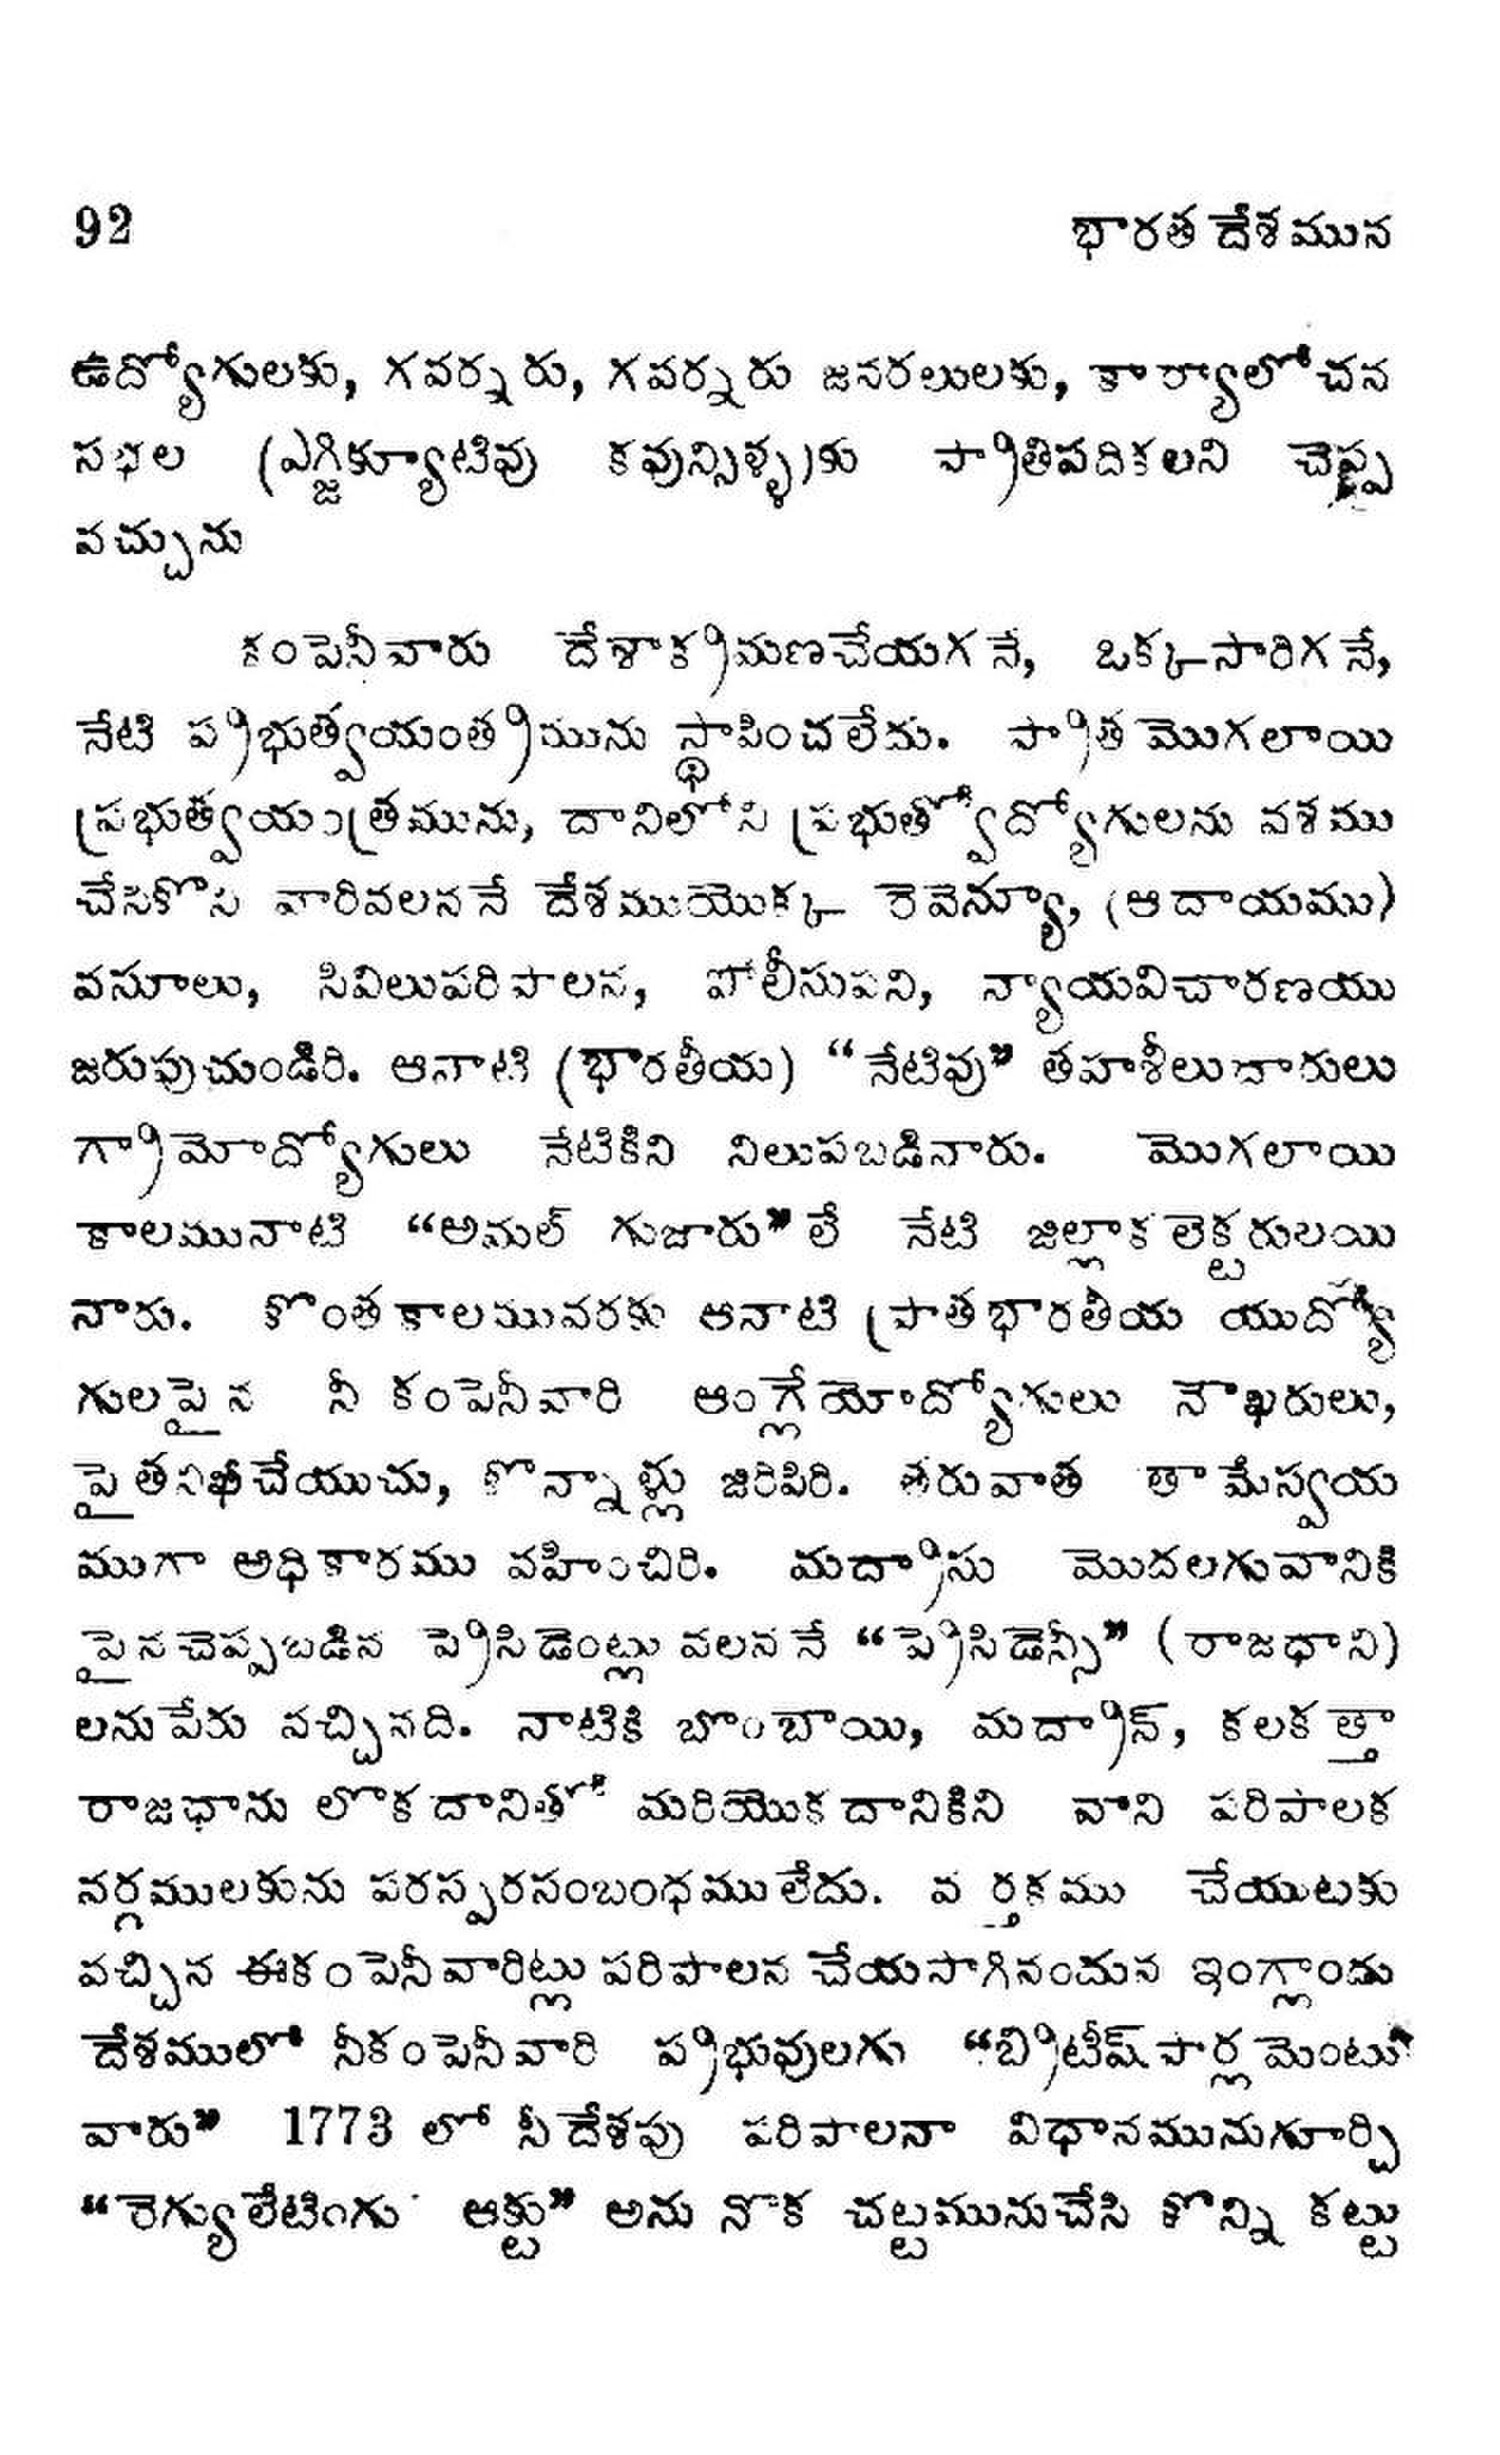ఉద్యోగులకు, గవర్నరు, గవర్నరు జనరలులకు, కార్యాలోచన సభల (ఎగ్జిక్యూటివు కవున్సిళ్ళ)కు ప్రాతిపదికలని చెప్పవచ్చును

కంపెనీవారు దేశాక్రమణచేయగనే, ఒక్కసారిగనే, నేటి ప్రభుత్వయంత్రమును స్థాపించలేదు. ప్రాతమొగలాయి ప్రభుత్వయంత్రమును, దానిలోని ప్రభుత్వోద్యోగులను వశముచేసికొని వారివలననే దేశముయొక్క రెవెన్యూ, (ఆదాయము) వసూలు, సివిలుపరిపాలన, పోలీసుపని, న్యాయవిచారణయు జరుపుచుండిరి. ఆనాటి (భారతీయ) “నేటివు" తహశీలుదారులు గ్రామోద్యోగులు నేటికిని నిలుపబడినారు. మొగలాయి కాలమునాటి “అమల్ గుజారు" లే నేటి జిల్లాకలెక్టరులయినారు. కొంతకాలమువరకు ఆనాటి ప్రాతభారతీయ యుద్యోగులపైన నీ కంపెనీవారి ఆంగ్లేయోద్యోగులు నౌఖరులు, పైతనిఖీచేయుచు, కొన్నాళ్లు జరిపిరి. తరువాత తామేస్వయముగా అధికారము వహించిరి. మద్రాసు మొదలగువానికి పైనచెప్పబడిన ప్రెసిడెంట్లు వలననే “ప్రెసిడెన్సీ” (రాజధాని) లనుపేరు వచ్చినది. నాటికి బొంబాయి, మద్రాస్ , కలకత్తా రాజధాను లొకదానితో మరియొకదానికిని వాని పరిపాలక వర్గములకును పరస్పరసంబంధములేదు. వర్తకము చేయుటకు వచ్చిన ఈకంపెనీవారిట్లు పరిపాలన చేయసాగినందున ఇంగ్లాండు దేశములో నీకంపెనీవారి ప్రభువులగు "బిటీష్‌పార్లమెంటువారు" 1773 లో నీదేశపు పరిపాలనా విధానమునుగూర్చి "రెగ్యులేటింగు ఆక్టు" అను నొక చట్టమునుచేసి కొన్ని కట్టు